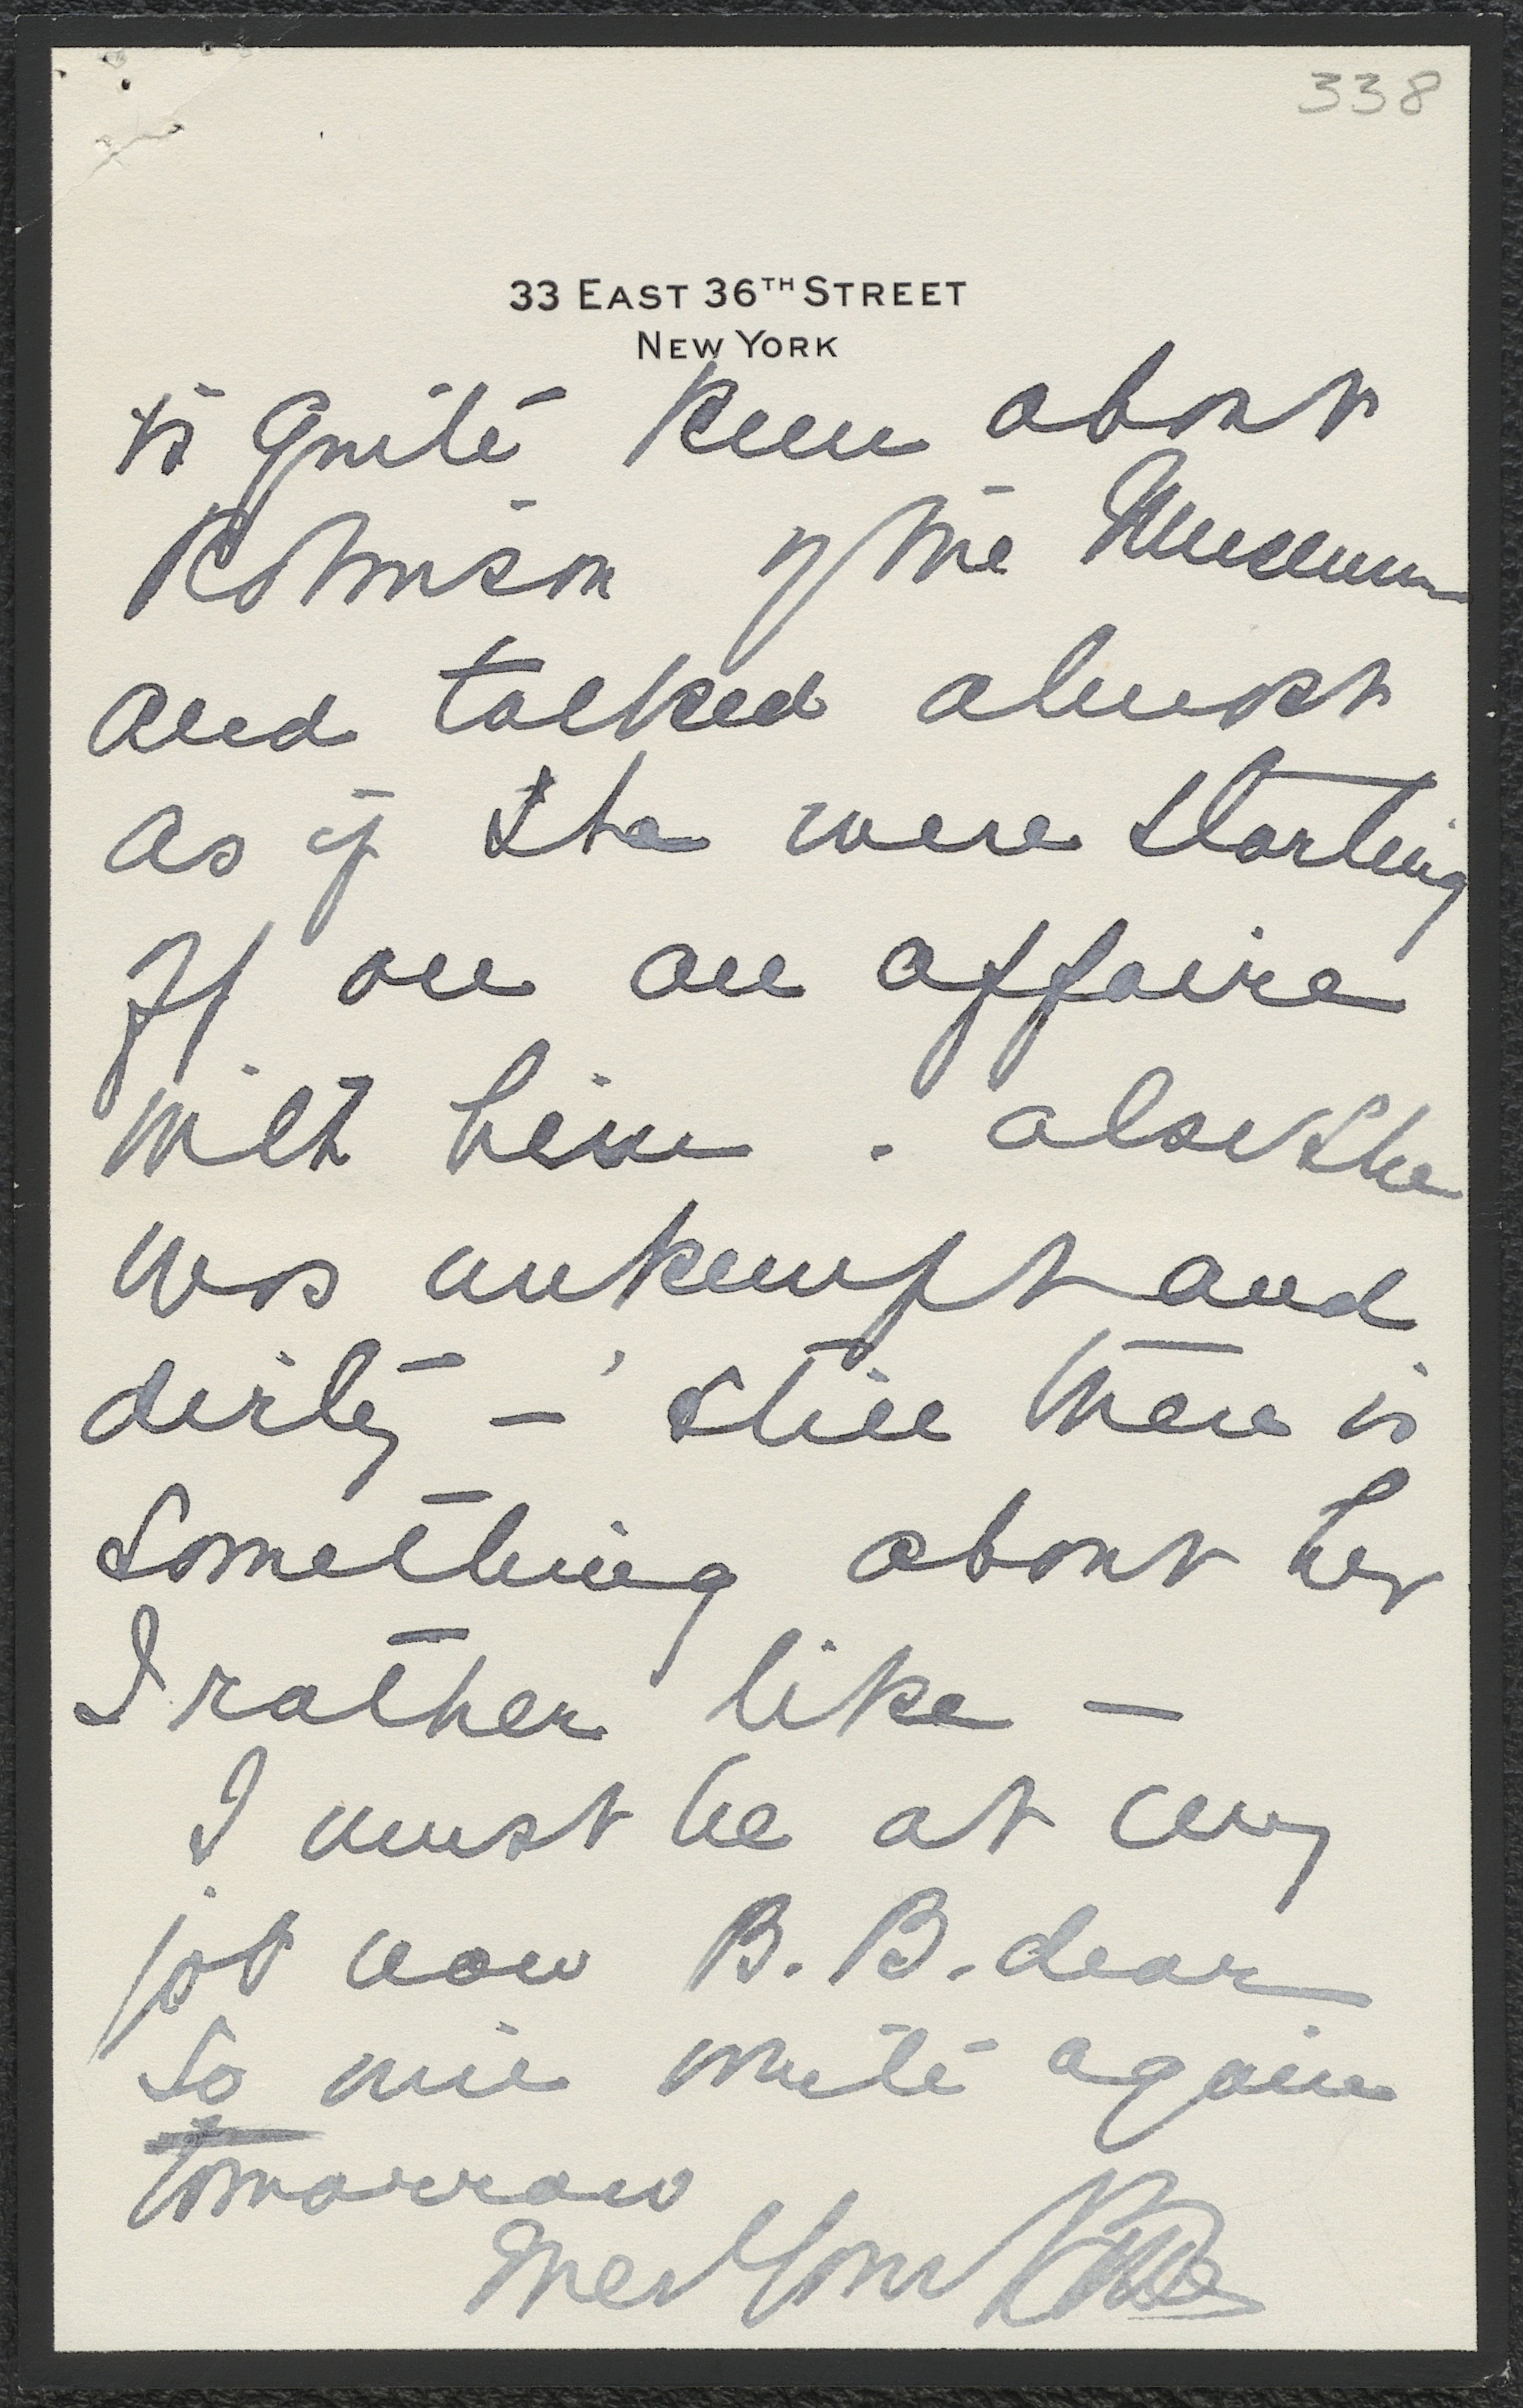is quite keen about Robinson of the Museum and talked almost as if she were starting off on an affaire with him – also she was unkempt and dirty – still there is something about her I rather like –
I must be at my job now B. B. dear so will write again tomorrow
Ever Your Belle